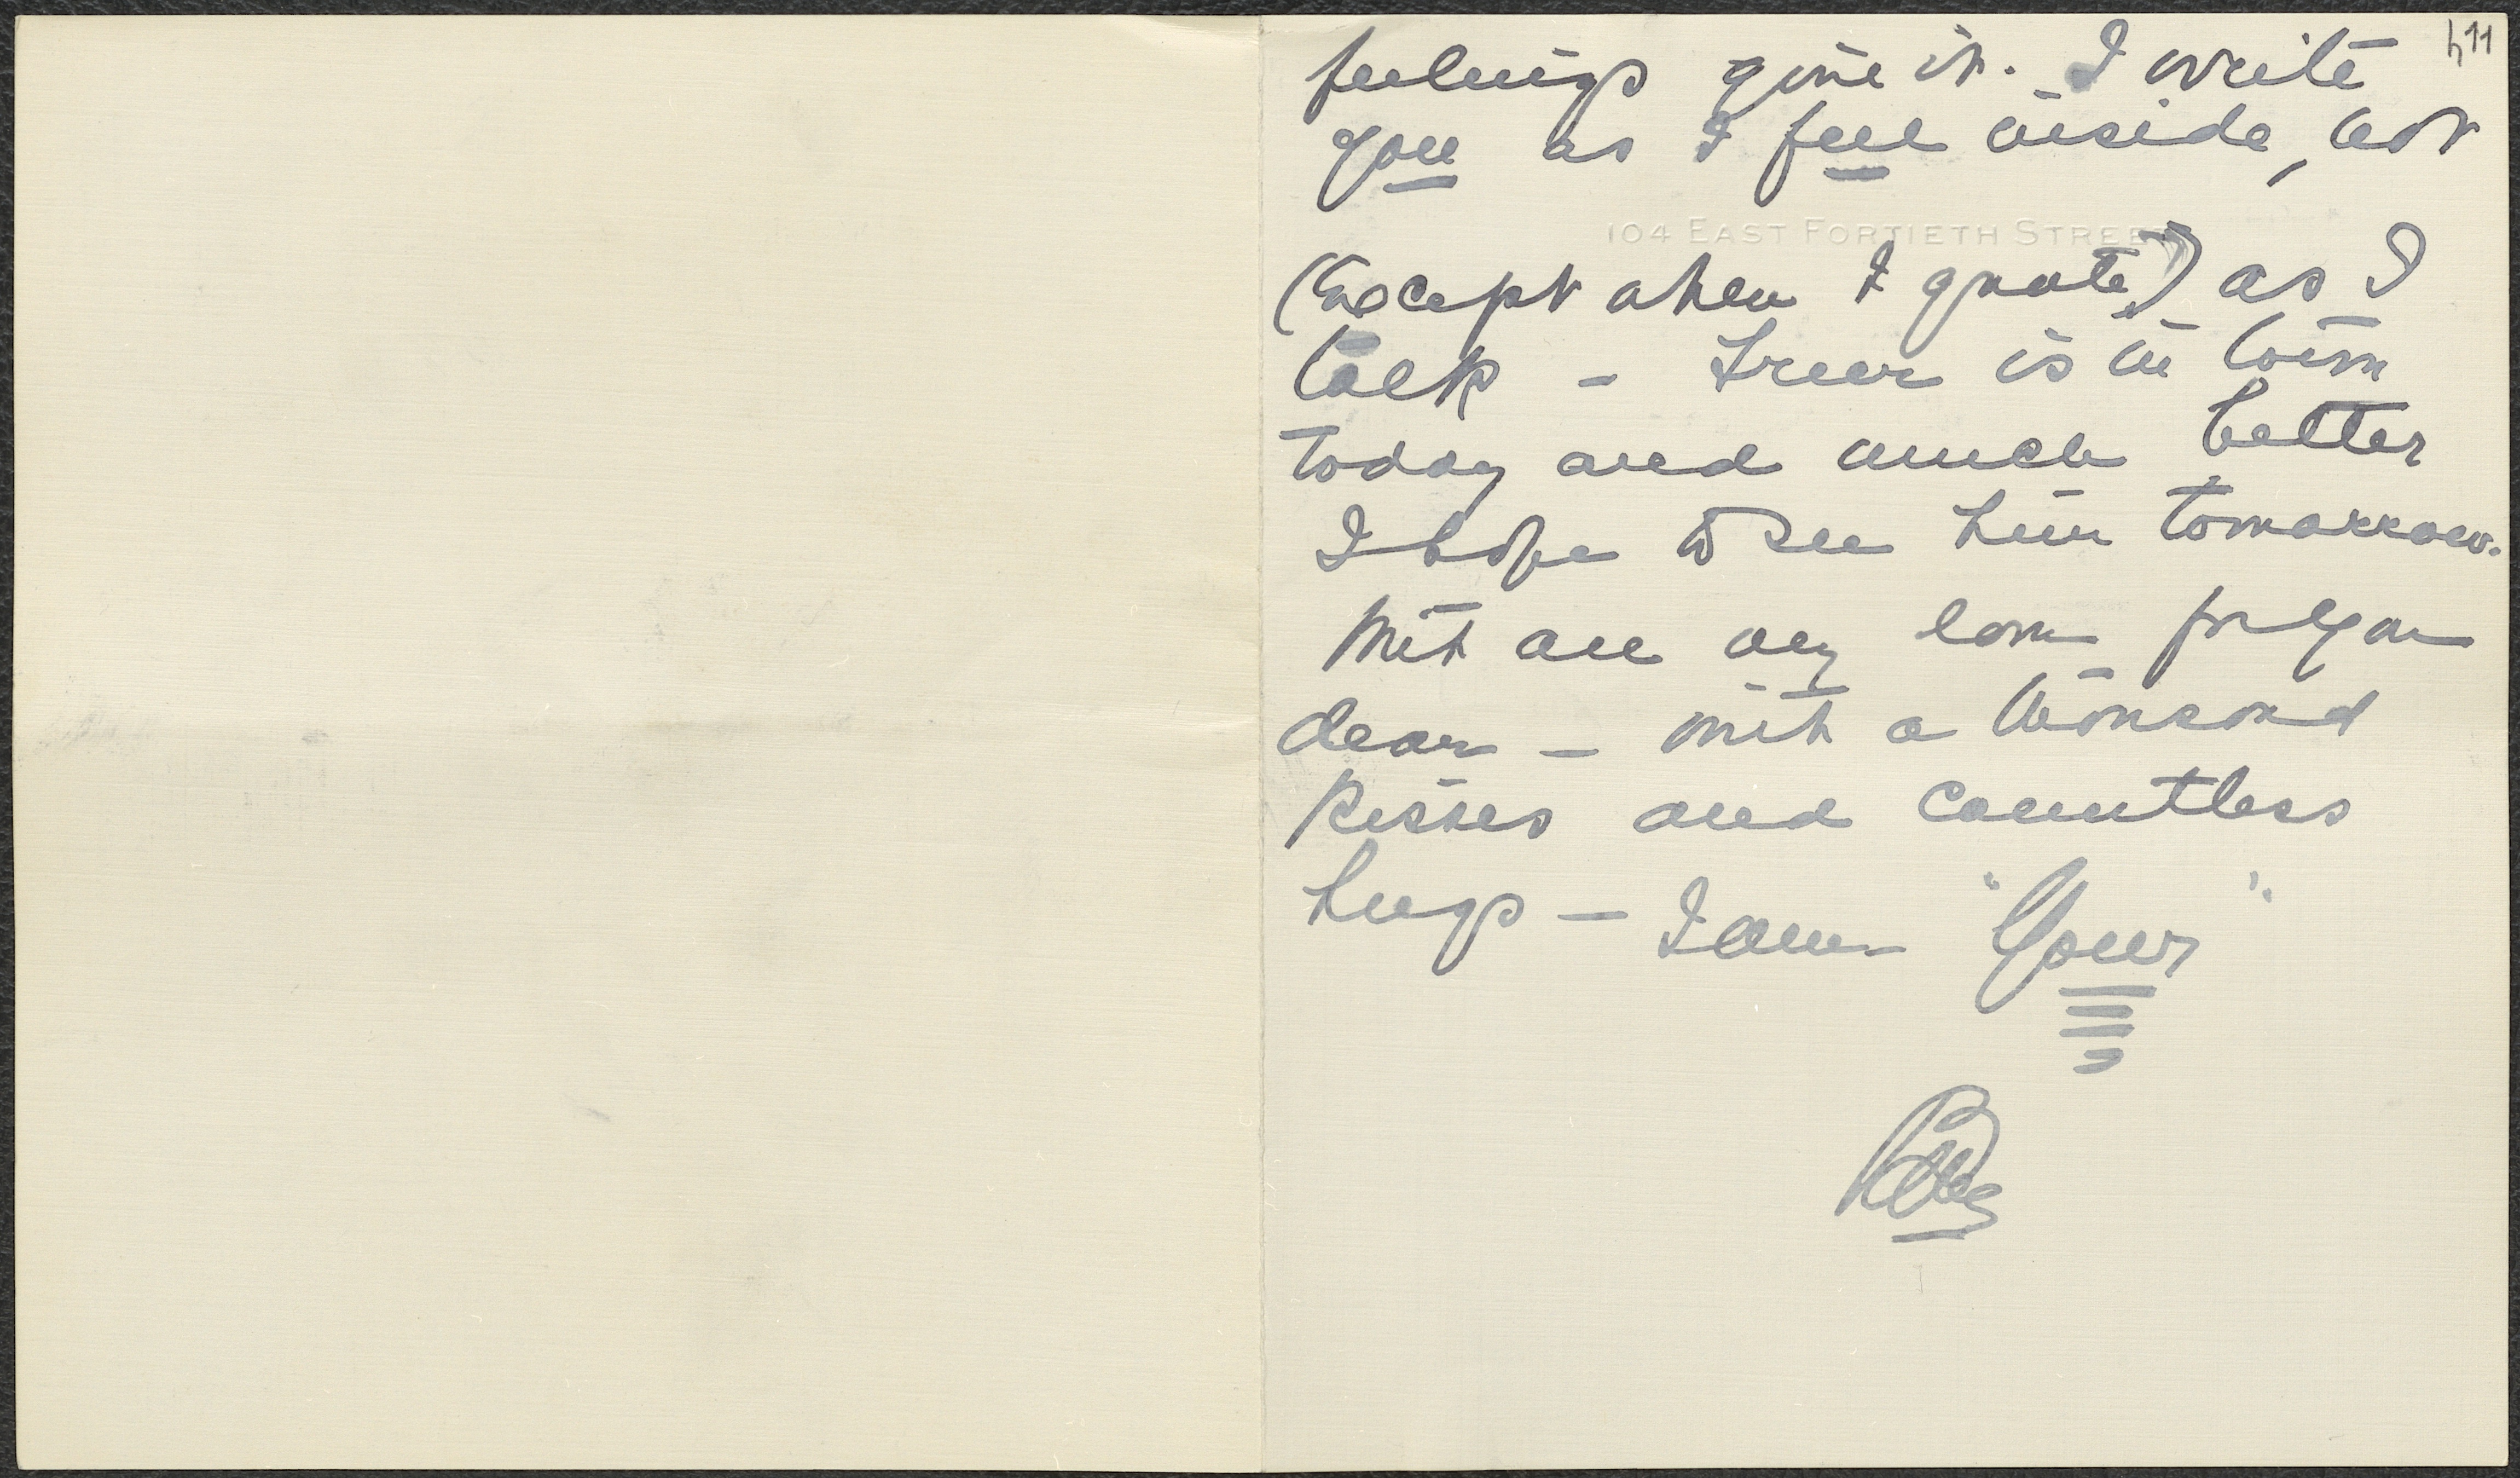feelings give it. I write you as I feel inside, not (except when I quote) as I talk – Freer is in town today and much better
I hope to see him tomorrow.
With all my love for you dear – with a thousand kisses and countless hugs – I am [quintuple underlined: "Your"]
Belle